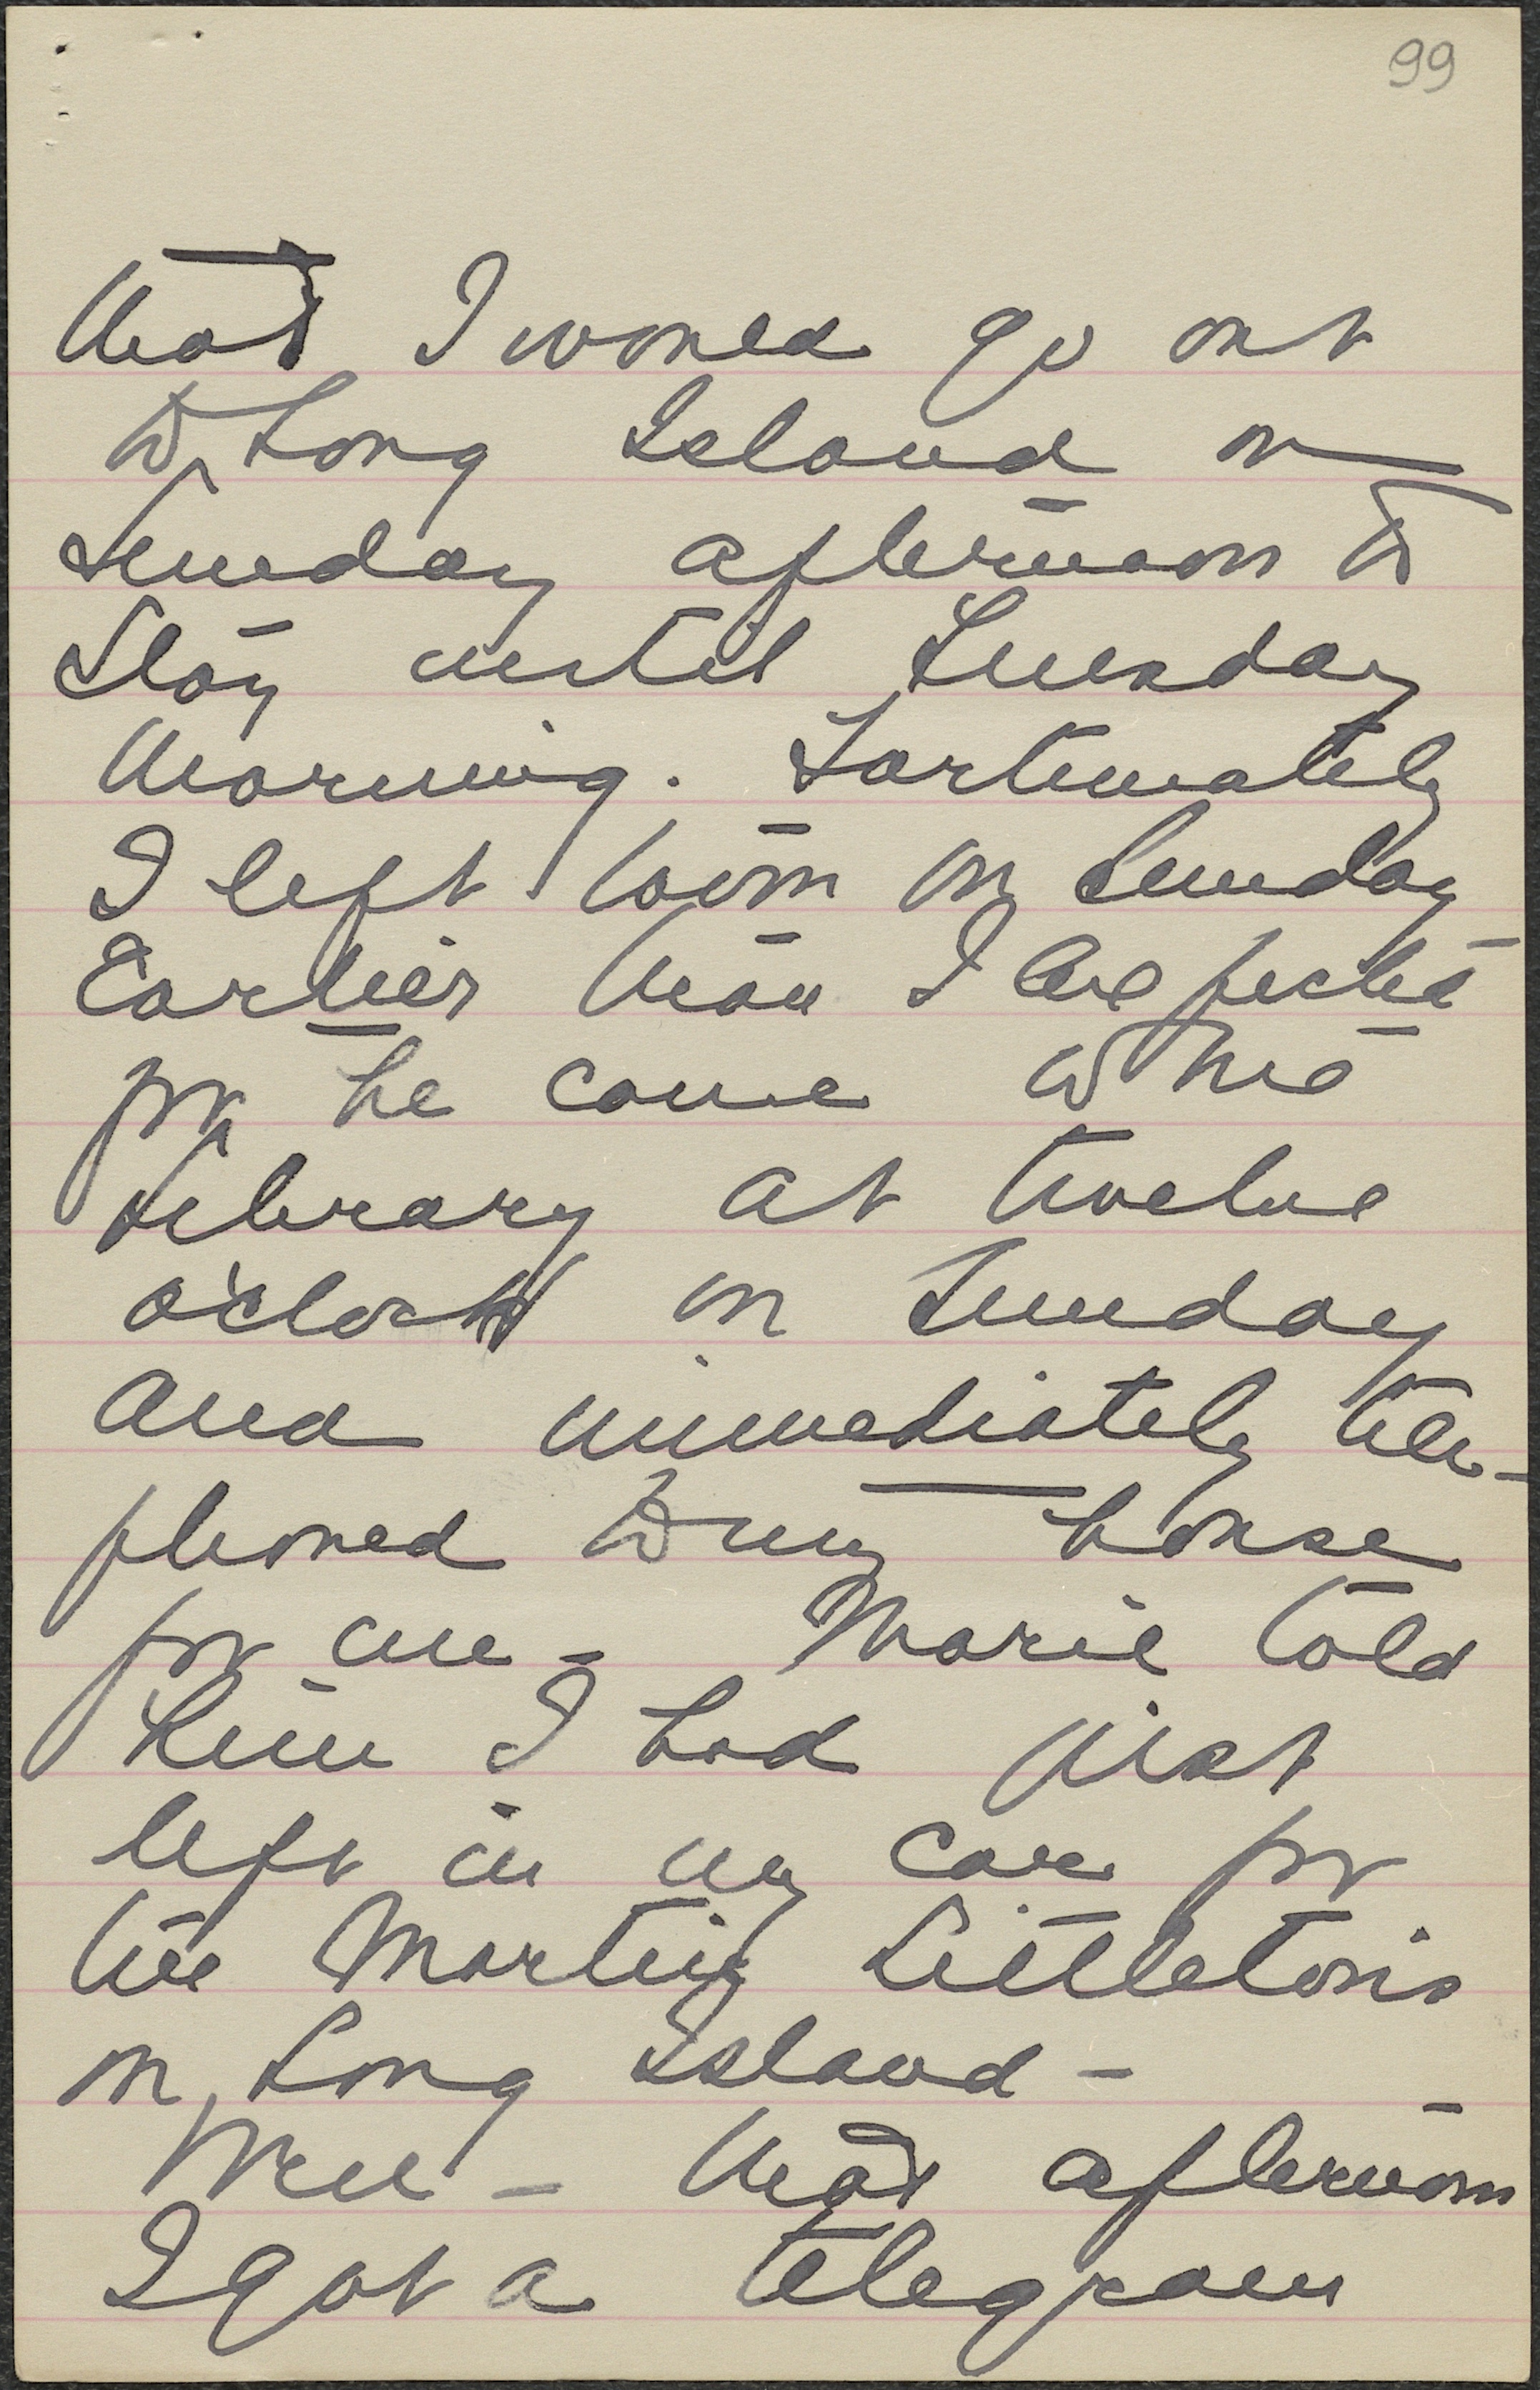that I would go out to Long Island on Sunday afternoon to stay until Tuesday morning. Fortunately I left town on Sunday earlier than I expected for he came to the Library at twelve o’clock on Sunday and immediately telephoned to my house for me – Marie told him I had just left in my car for the Martin Littleton’s on Long Island –
Well – that afternoon I got a telegram